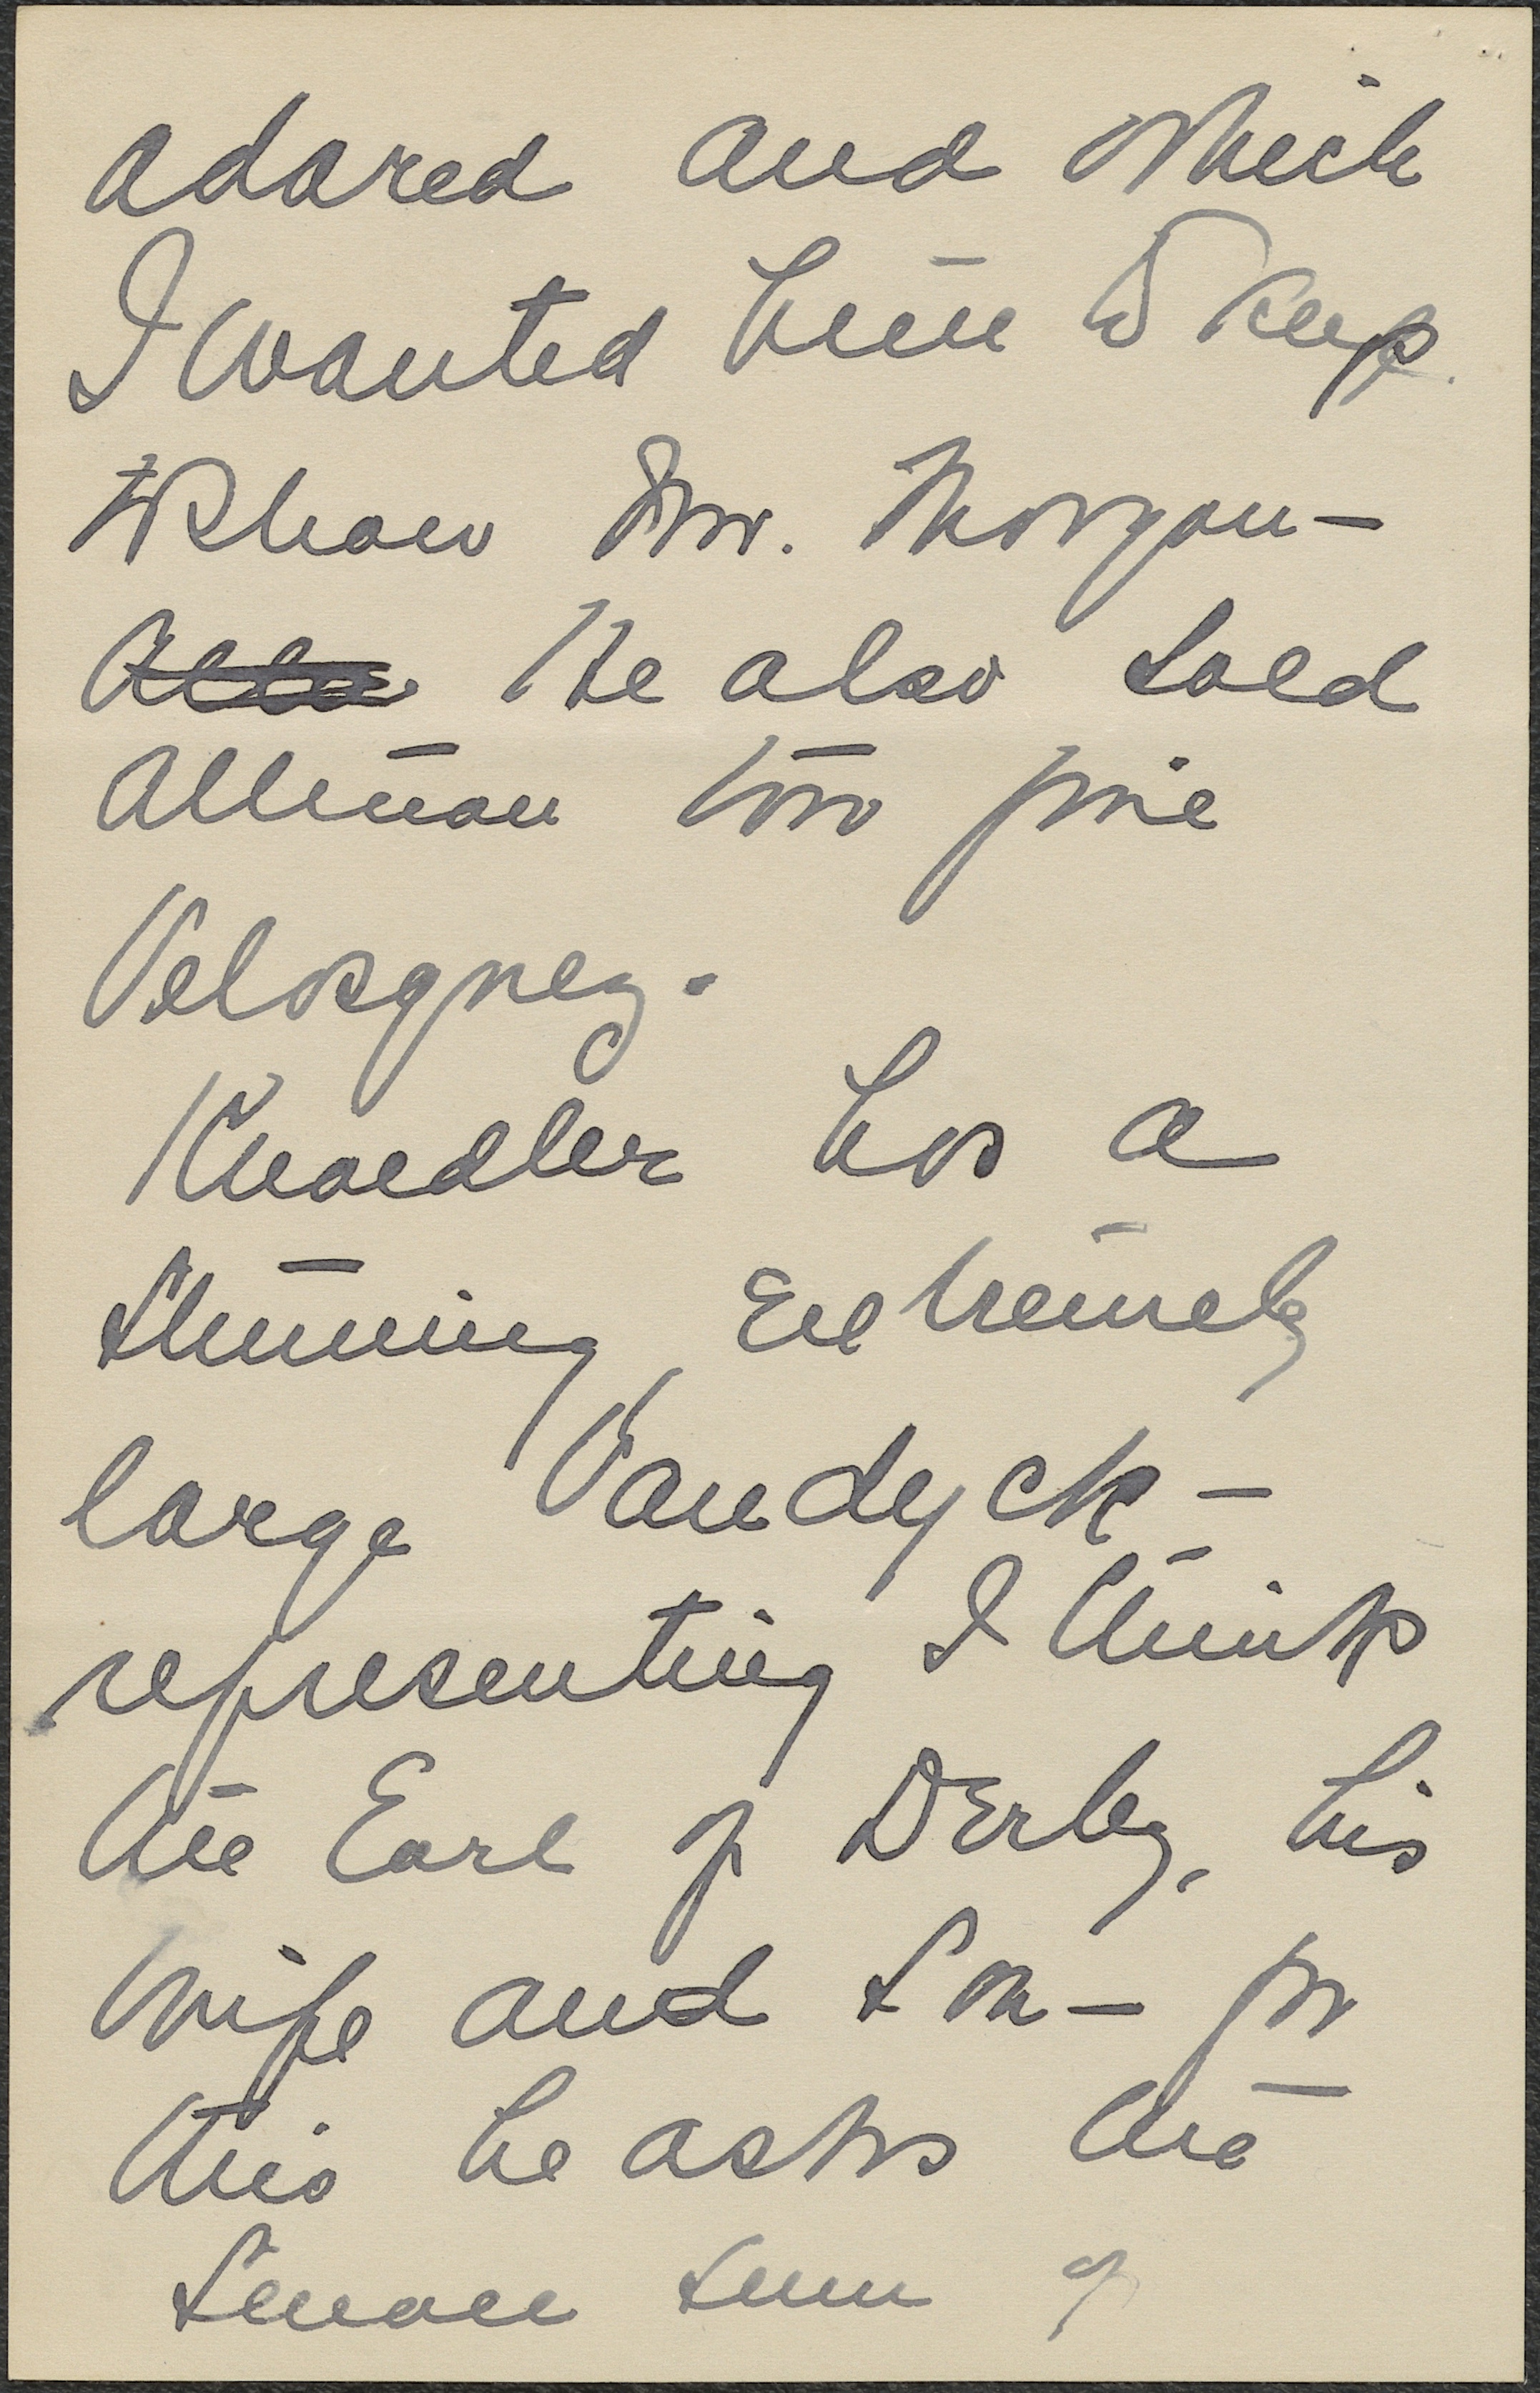adored and which I wanted him to keep to show Mr. Morgan – Also He also sold Altman two fine Velasquez –
Knoedler has a stunning, extremely large Van dyck – representing I think the Earl of Derby, his wife and son – for this he asks the small sum of